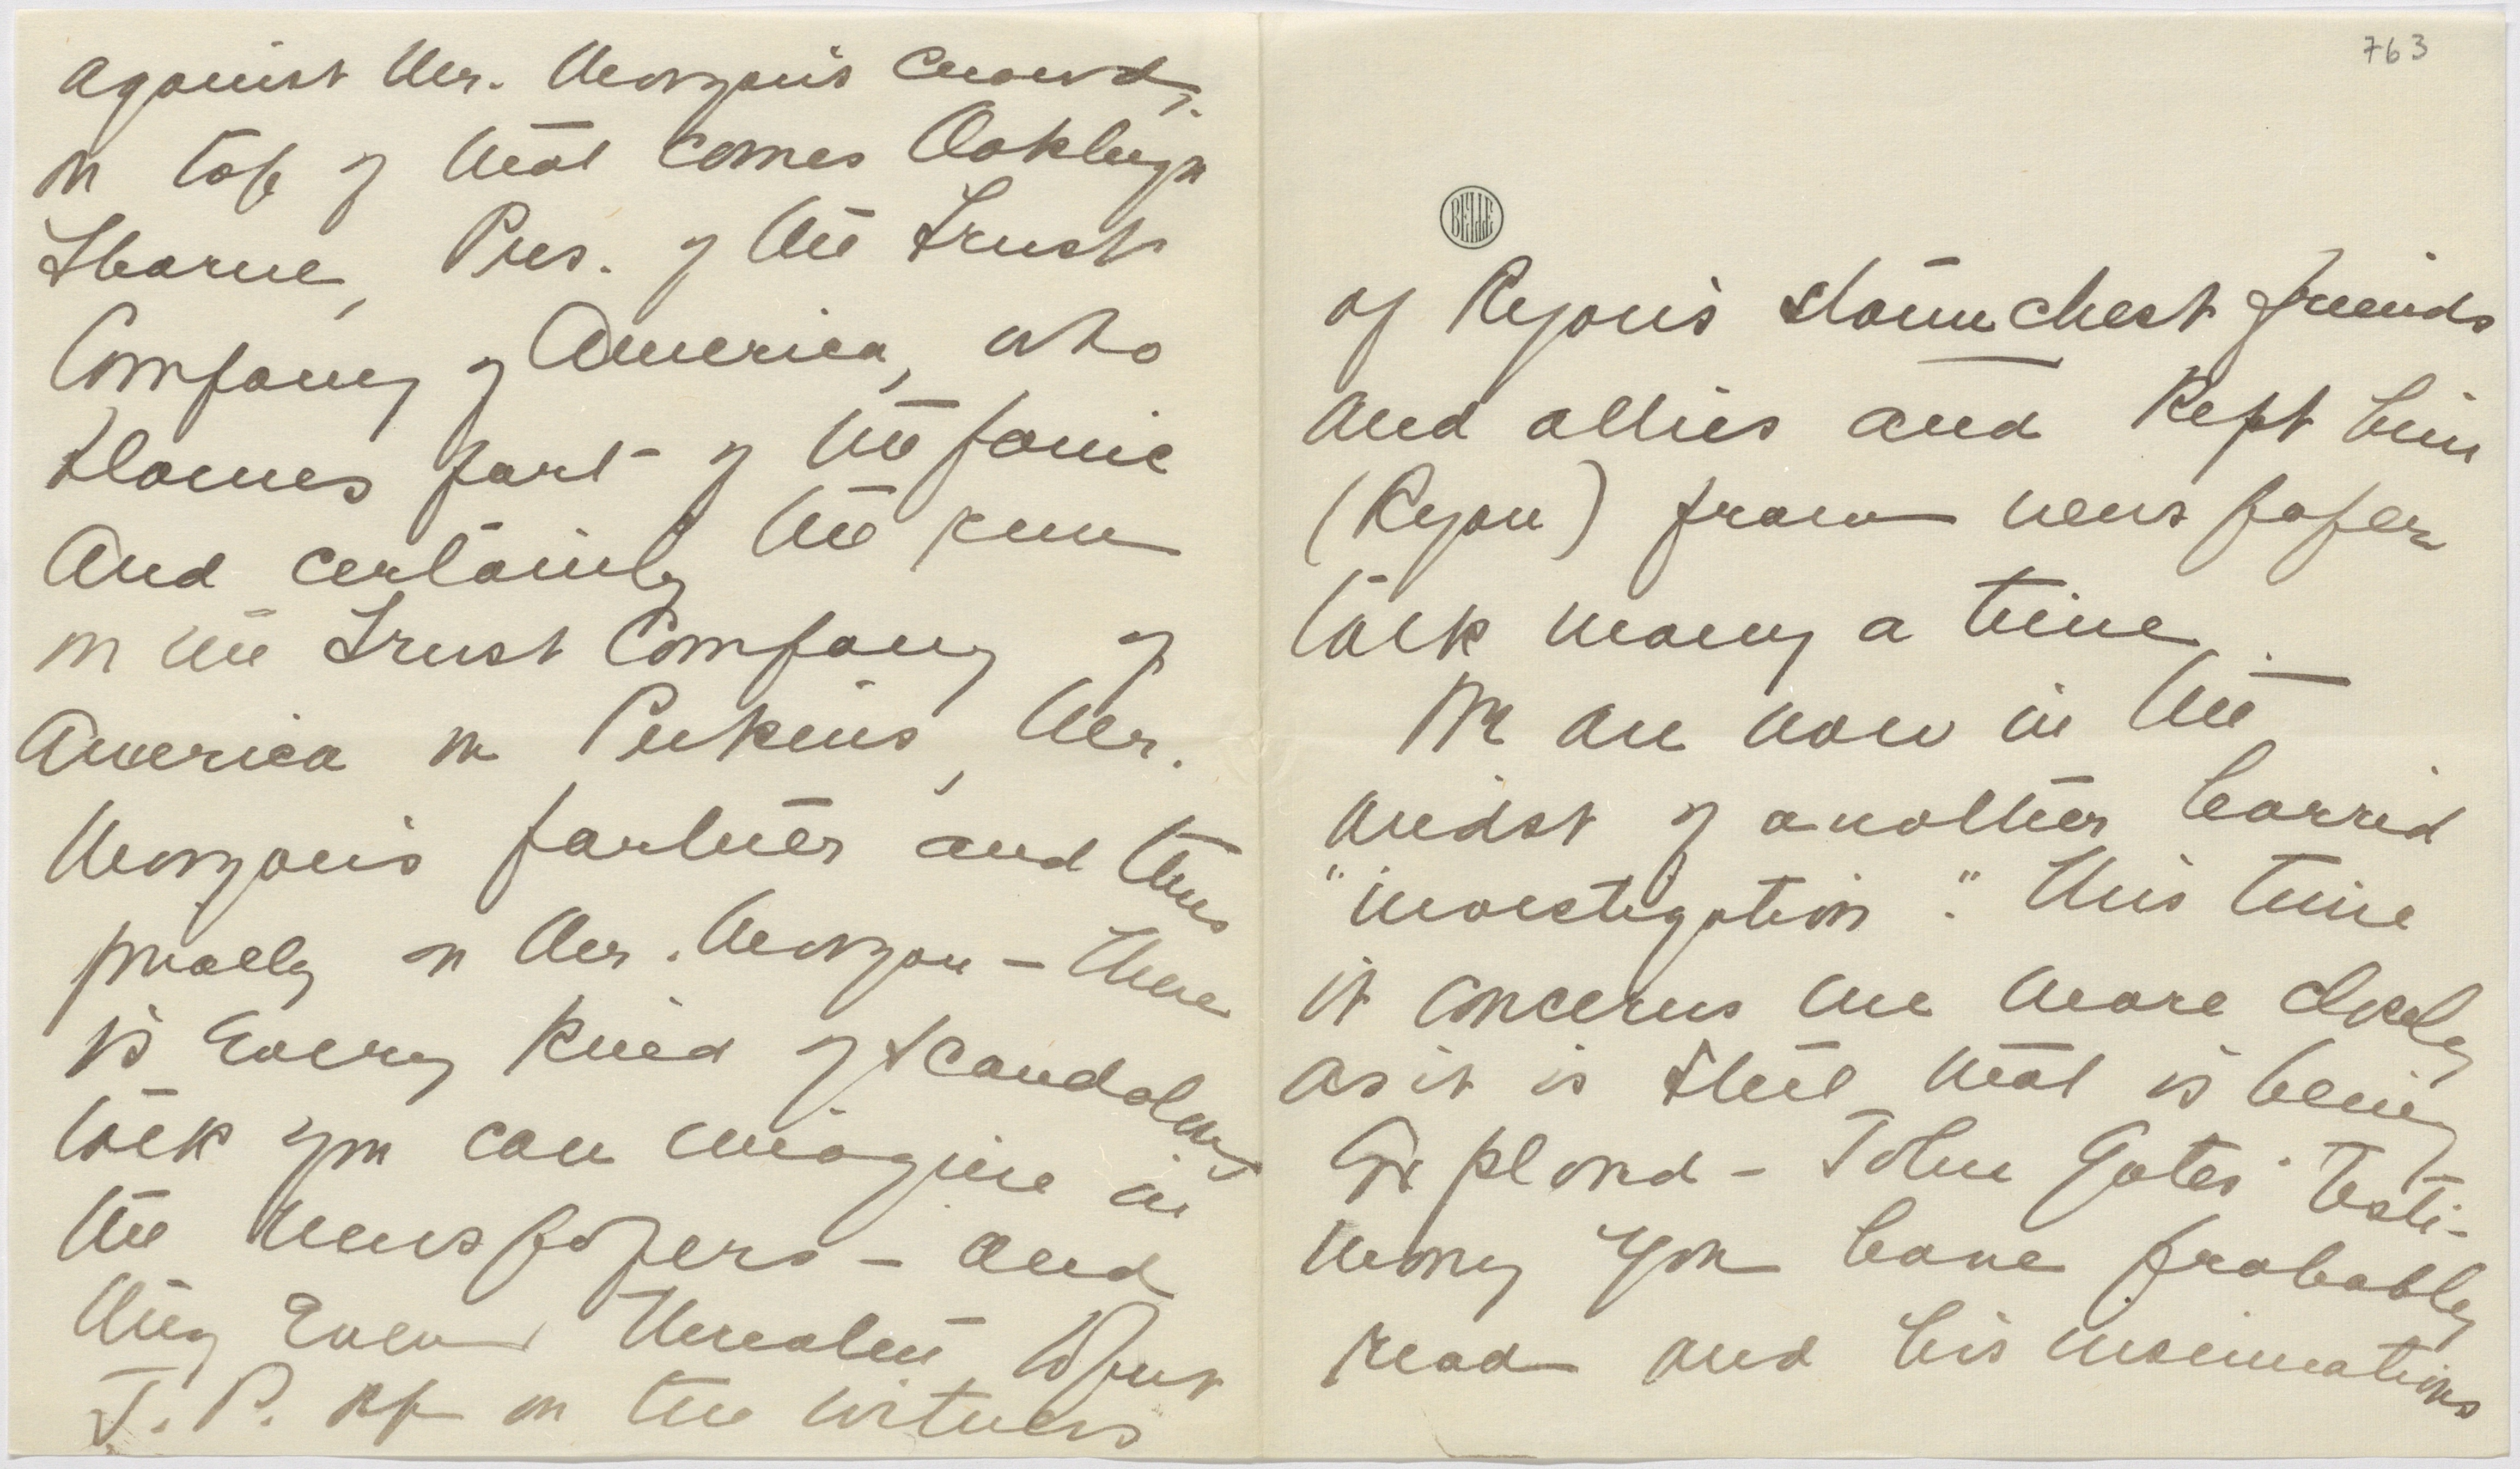of Ryan’s staunchest friends and allies and kept him (Ryan) from newspaper talk many a time.
We are now in the midst of another horrid “investigation.” This time it concerns me more closely as it is steel that is being explored – John Gates’ testimony you have probably read and his insinuations
against Mr. Morgan’s crowd on top of that comes Oakleigh Thorne, Pres. of the Trust Company of America, who blames part of the panic and certainly the run on the Trust Company of America on Perkins, Mr. Morgan’s partner and thus finally on Mr. Morgan – there is every kind of scandalous talk you can imagine in the newspapers – and they even threaten to put J. P. up on the witness